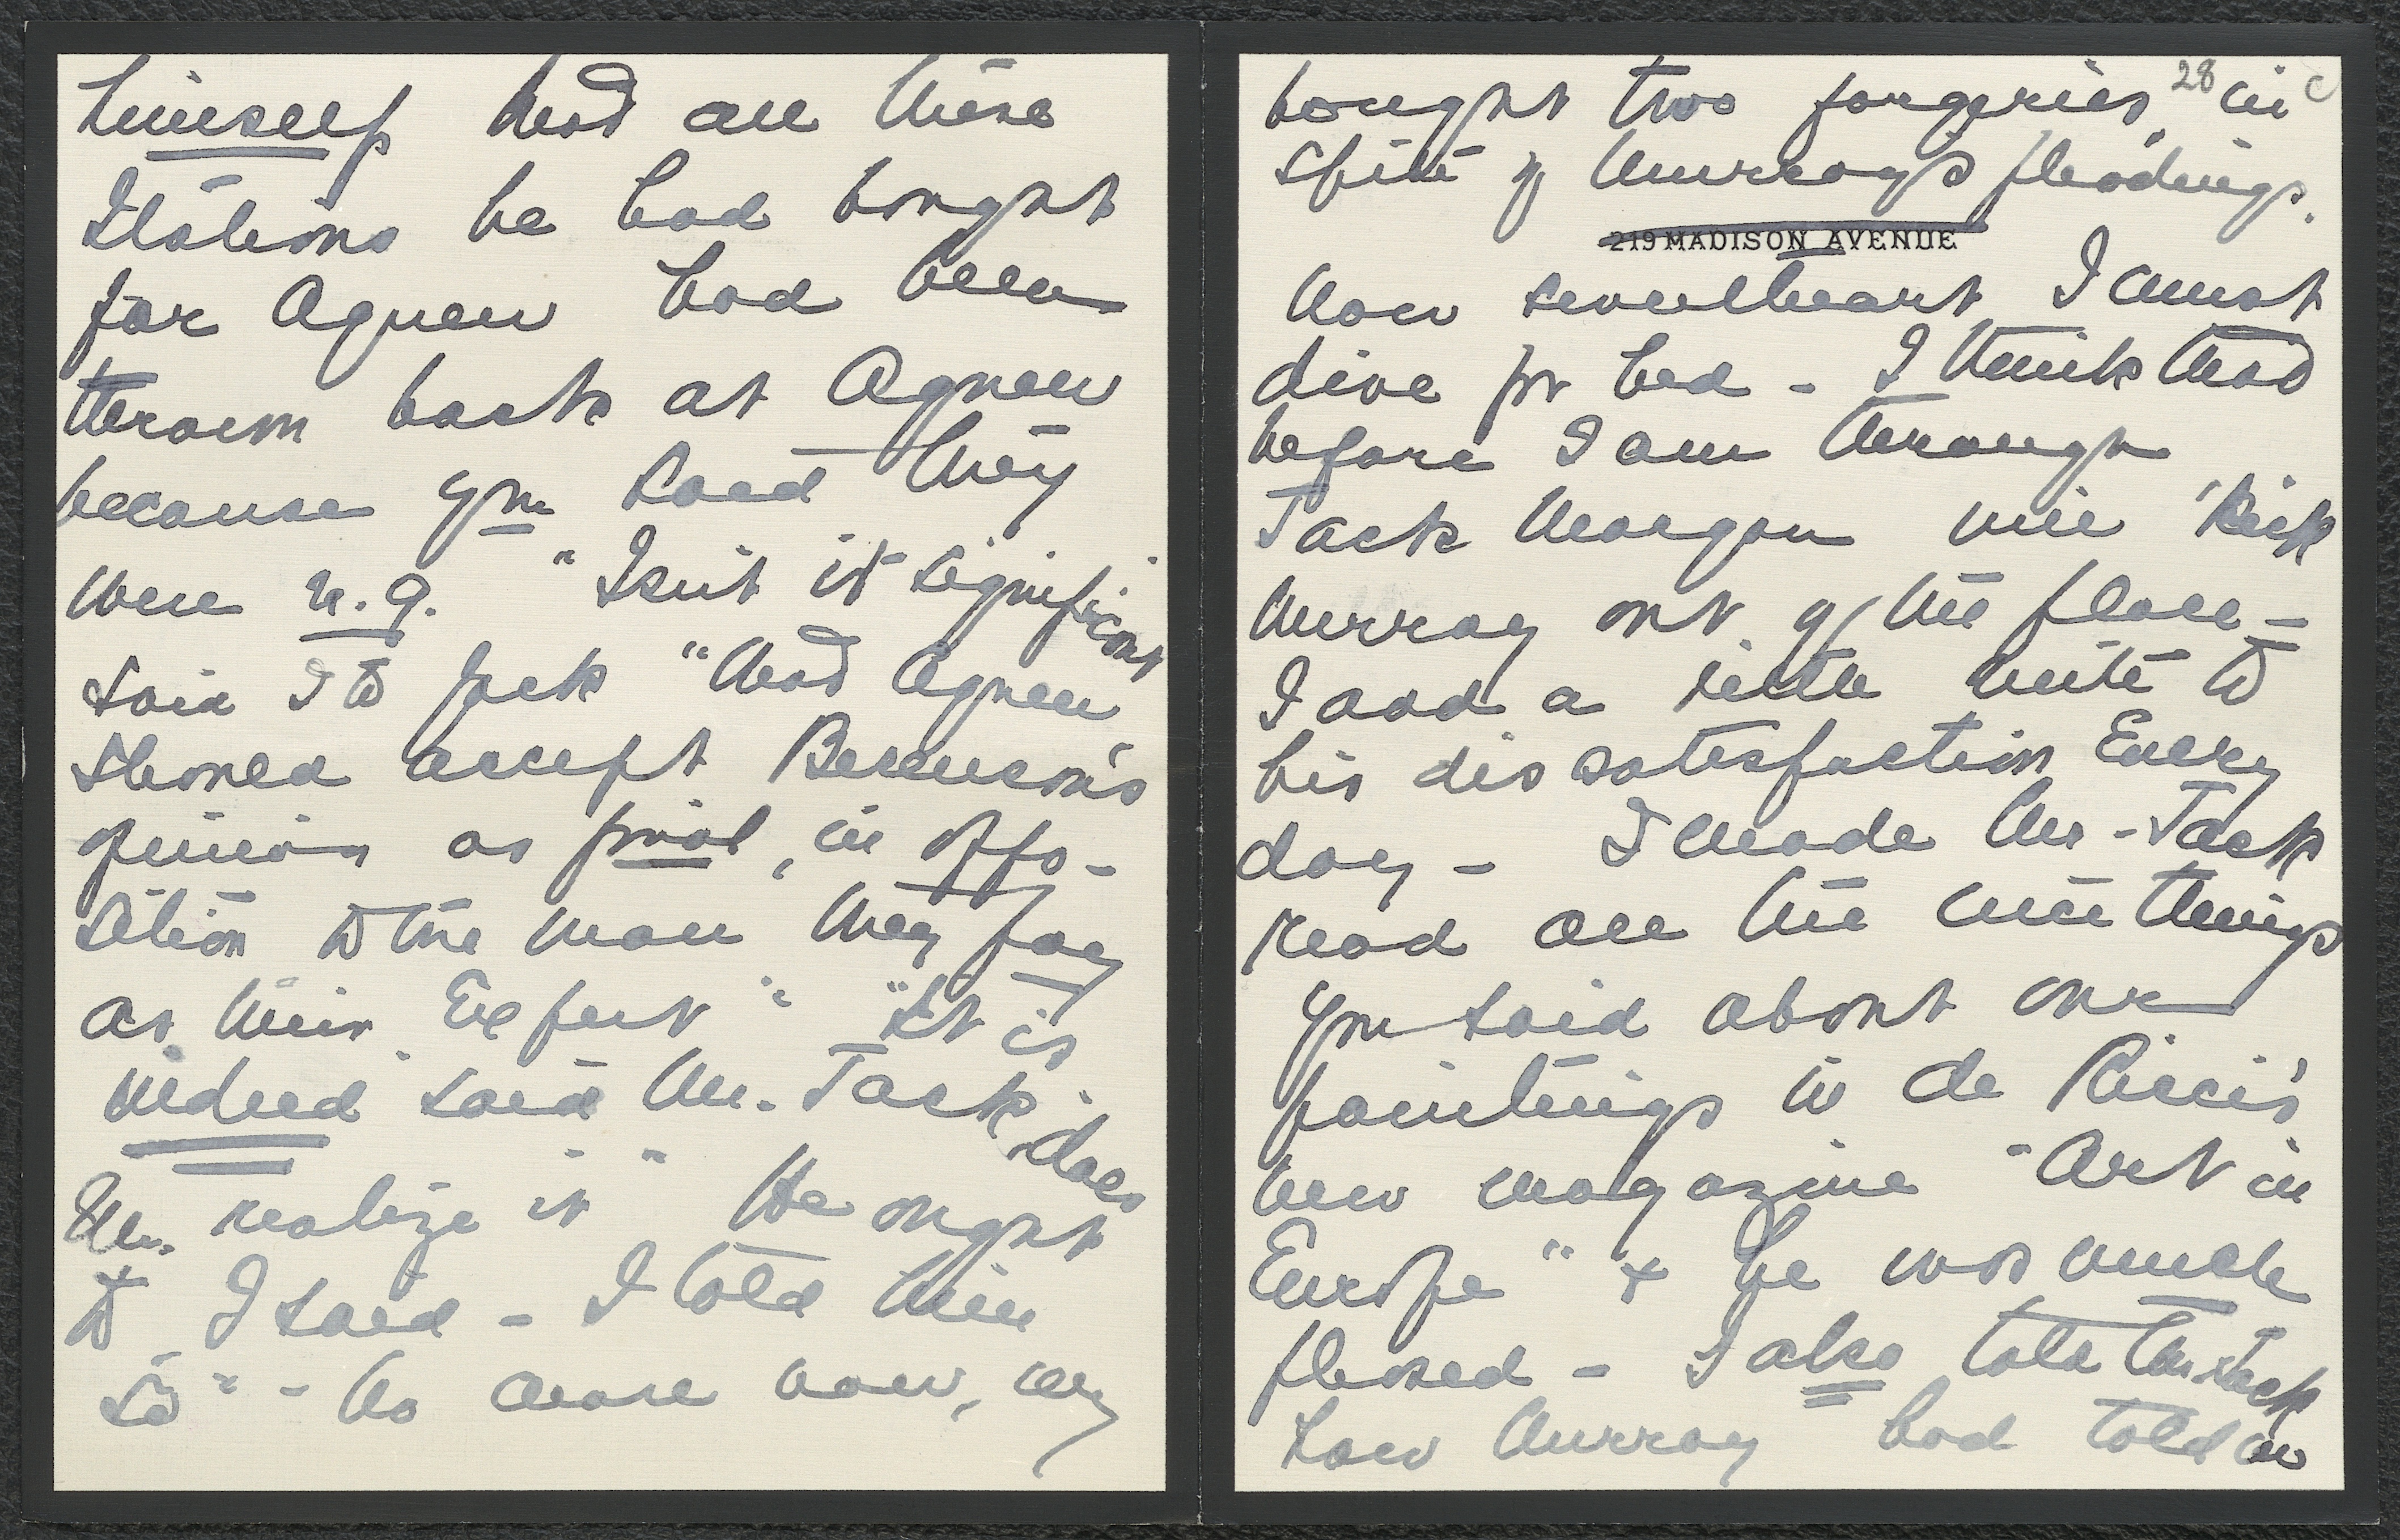bought two forgeries, in spite of Murray's pleadings.
Now sweetheart I must dive for bed – I think that before I am through Jack Morgan will kick Murray out of the place – I add a little quite to his dissatisfaction every day – I made Mr. Jack read all the nice things you said about our paintings in de Ricci's new magazine "Art in Europe" & he was much pleased – I [double underlined: also] told Mr. Jack how Murray had told me
himself that all these Italians he had bought for Agnew had been thrown back at Agnew because you said they were n.g. "Isn't it significant said I to jack "that Agnew should accept Berenson's opinion as final, in opposition to the man they say pay as their expert" "It is [double-underlined: indeed] said Mr. Jack, does M. realize it" He ought to I said – I told him so" – no more now, very